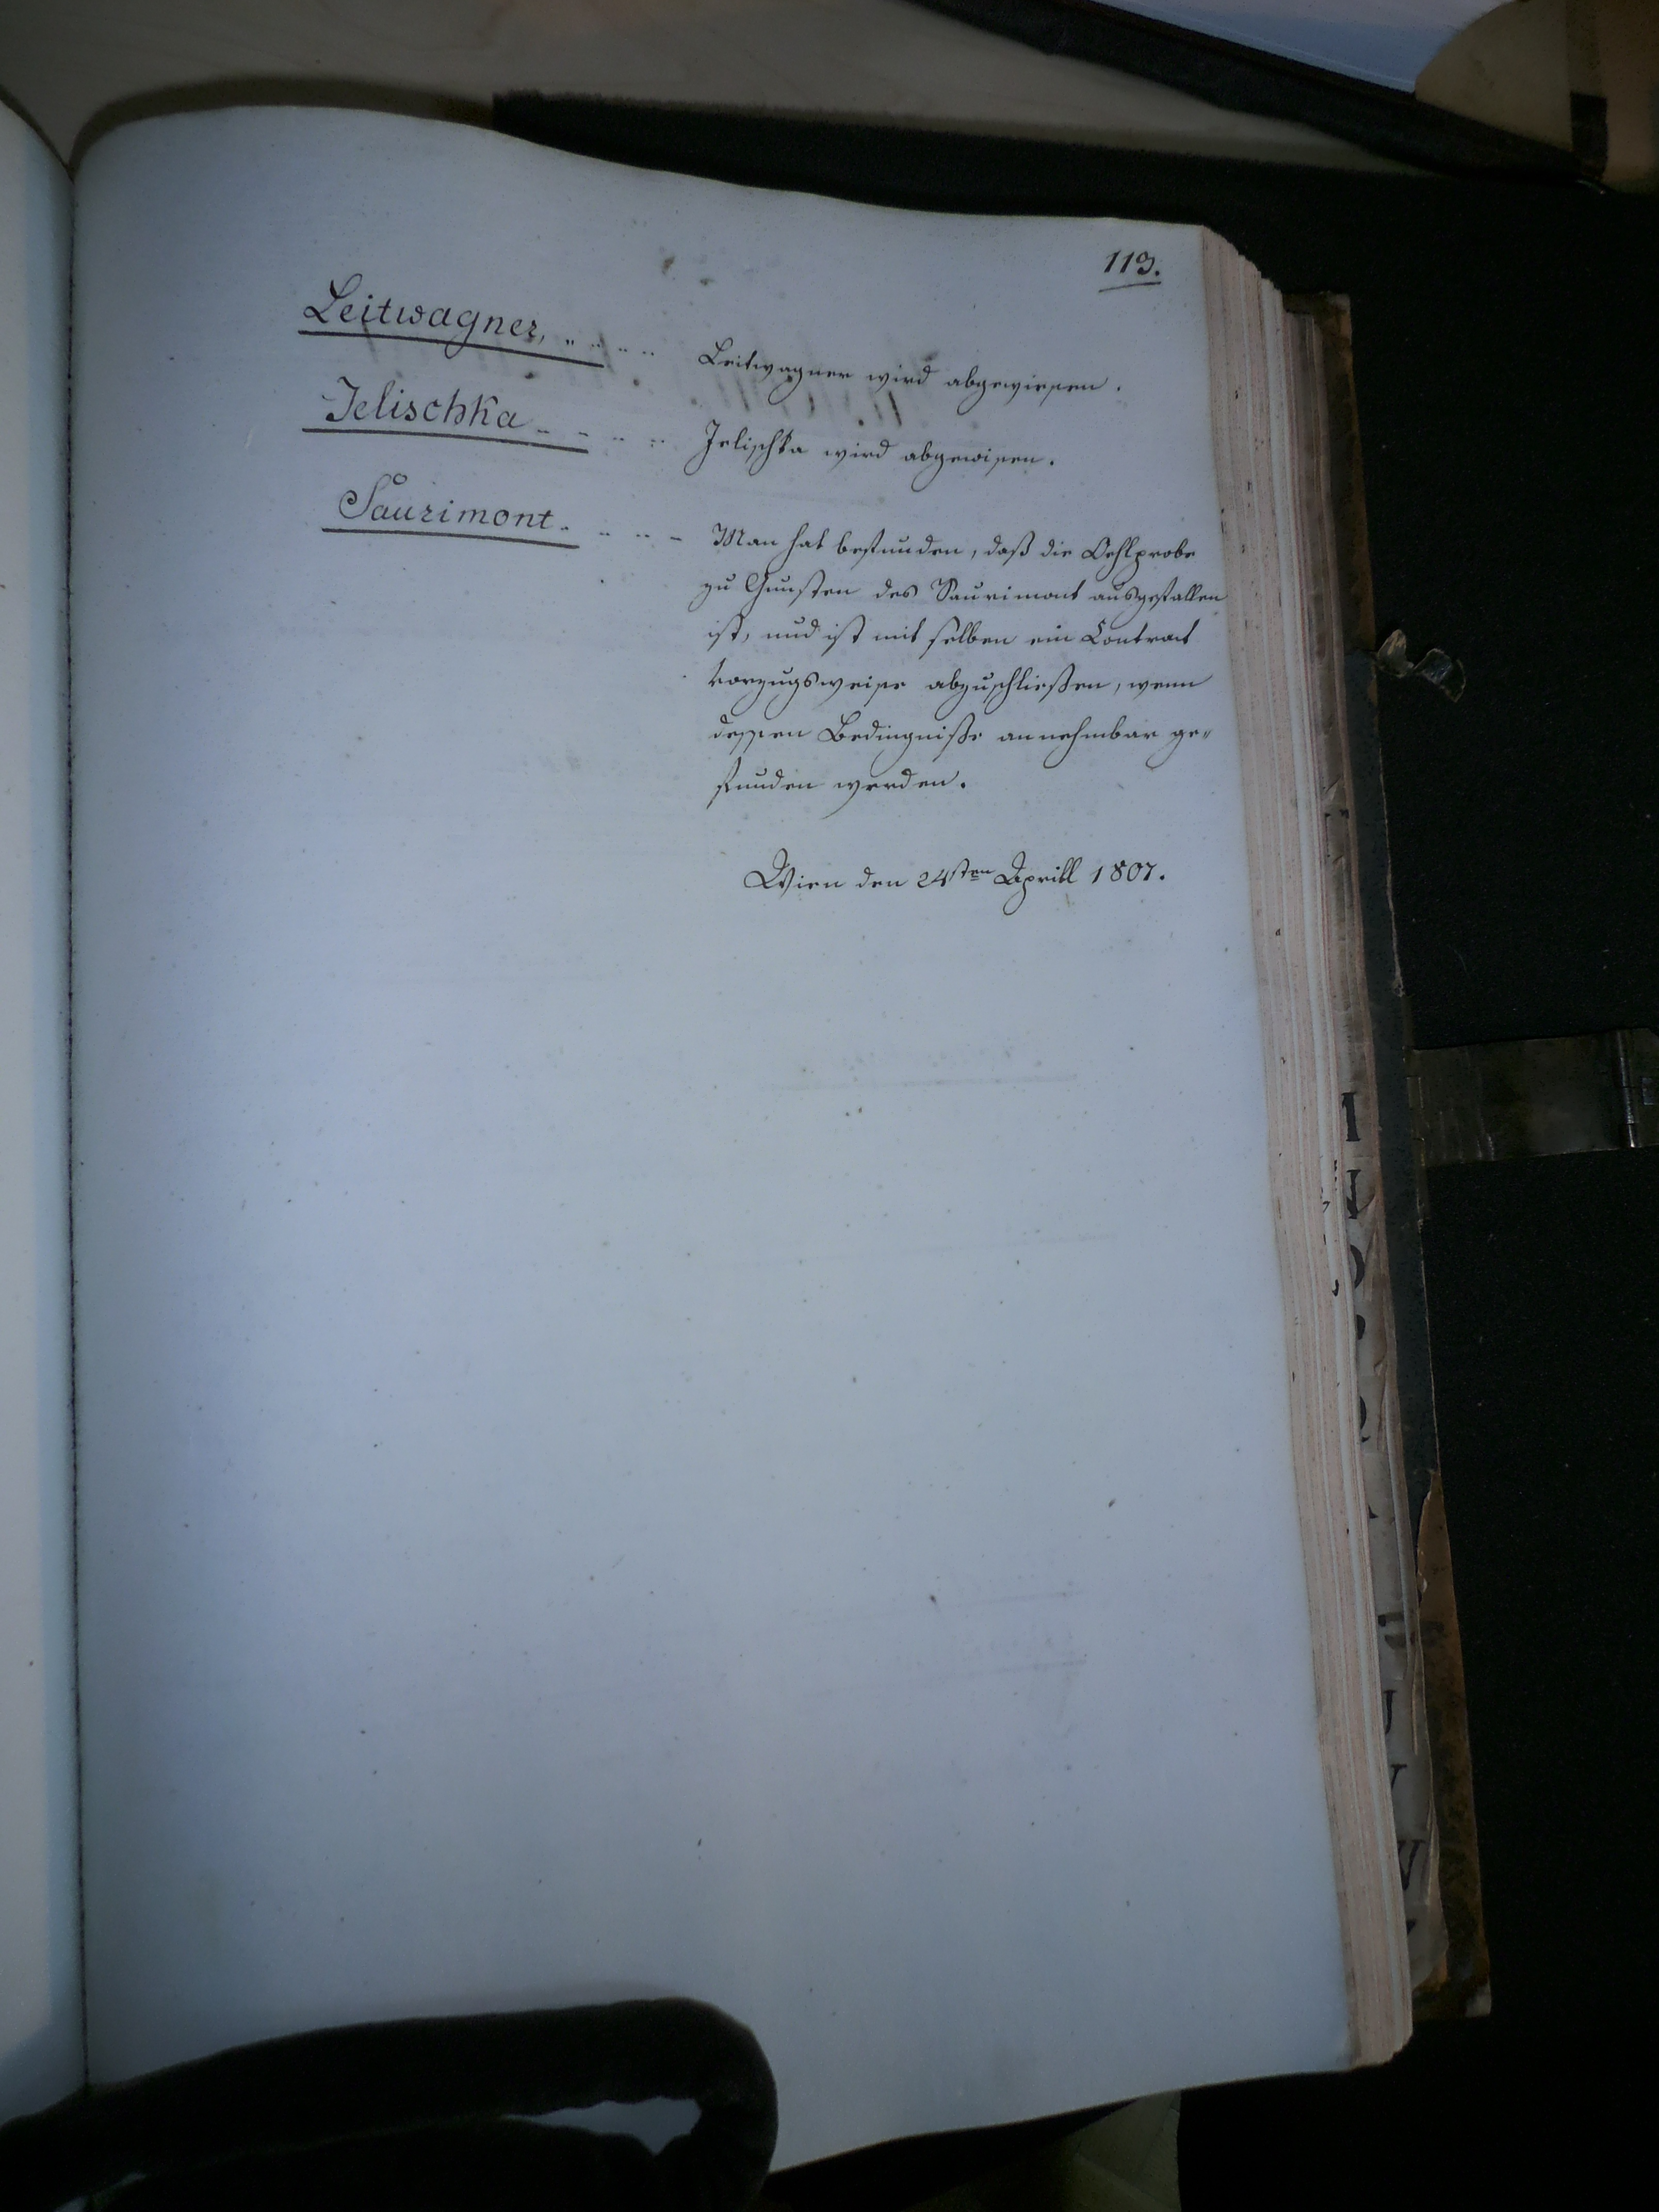113.
Leitwagner, .. .. .. .. Leitwagner wird abgewiesen.
Jelischka .. .. .. .. Jelischka wird abgewiesen.
Saurimont .. .. .. .. Man hat befunden, daß die Oehlprobe
zu Gunsten des Saurimont ausgefallen
ist, und ist mit selben ein Contract
vorzugsweise abzuschließen, wenn
dessen Bedingniße annehmbar ge¬
funden werden.
Wien den 24ste͇n Aprill 1807.